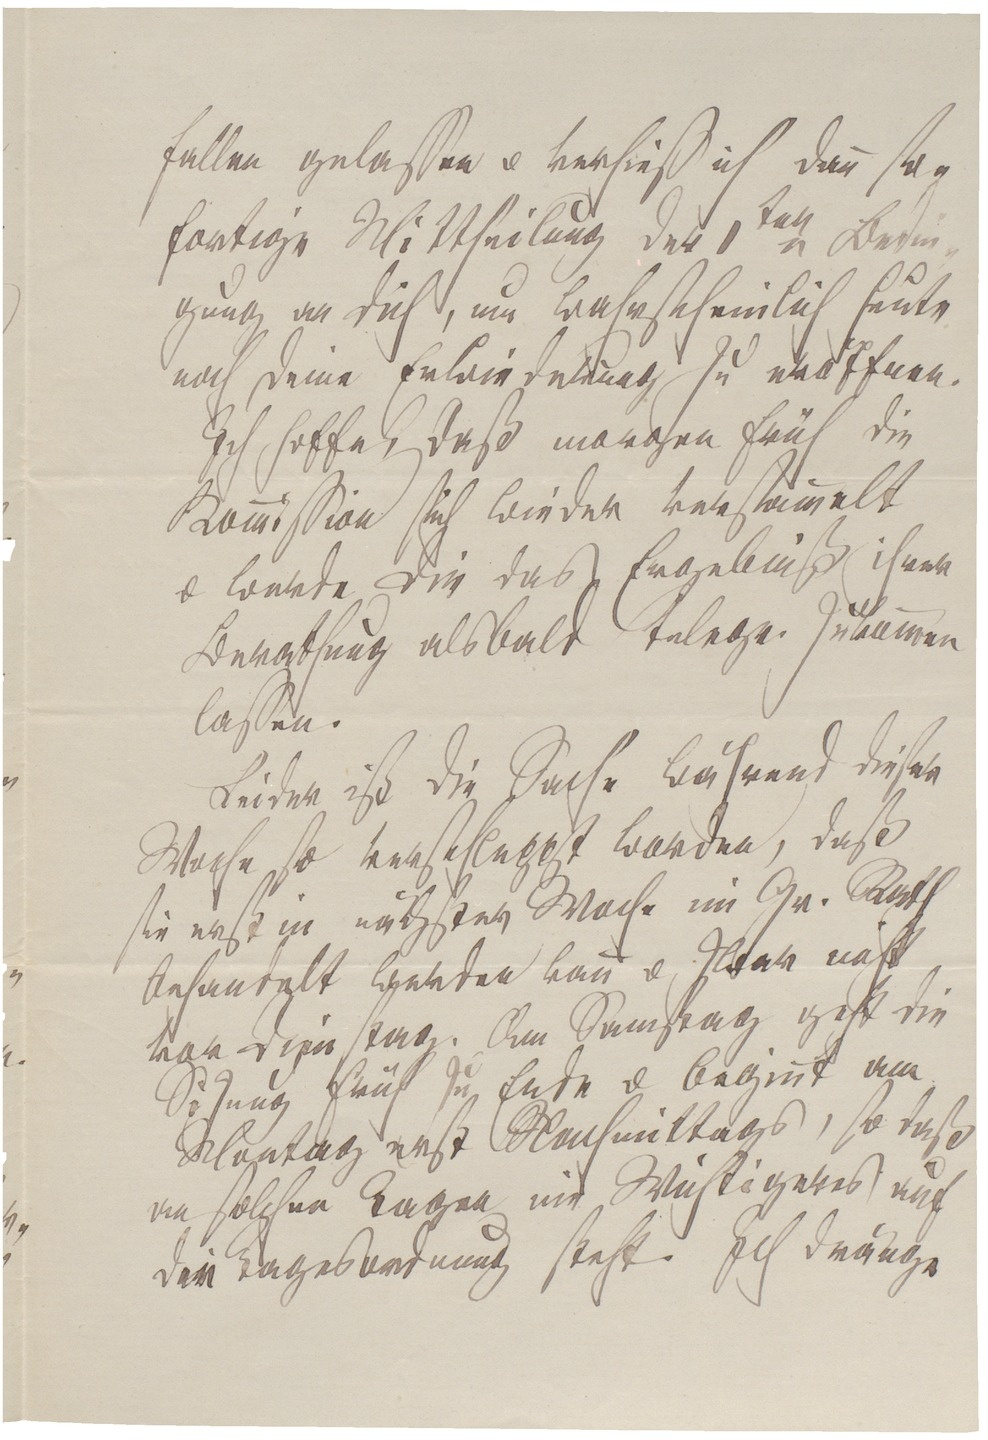fallen gelassen & verhiess ich dann so-
fortige Mittheilung der 1ten Bedin-
gung an Dich, um wahrscheinlich heute
noch Deine Erwiederung zu eröffnen.
Ich hoffe, daß morgen früh die
Kommission sich wieder versammelt
& werde Dir das Ergebniß ihrer
Berathung alsbald telegr. zukommen
lassen.
Leider ist die Sache während dieser
Woche so verschleppt worden, daß
sie erst in nächster Woche im Gr. Rath
behandelt werden kann & zwar nicht
vor Dienstag. Am Samstag geht die
Sitzung früh zu Ende & beginnt am
Montag erst Nachmittags, so daß
an solchen Tagen nie Wichtigeres auf
der Tagesordnung steht. Ich dränge